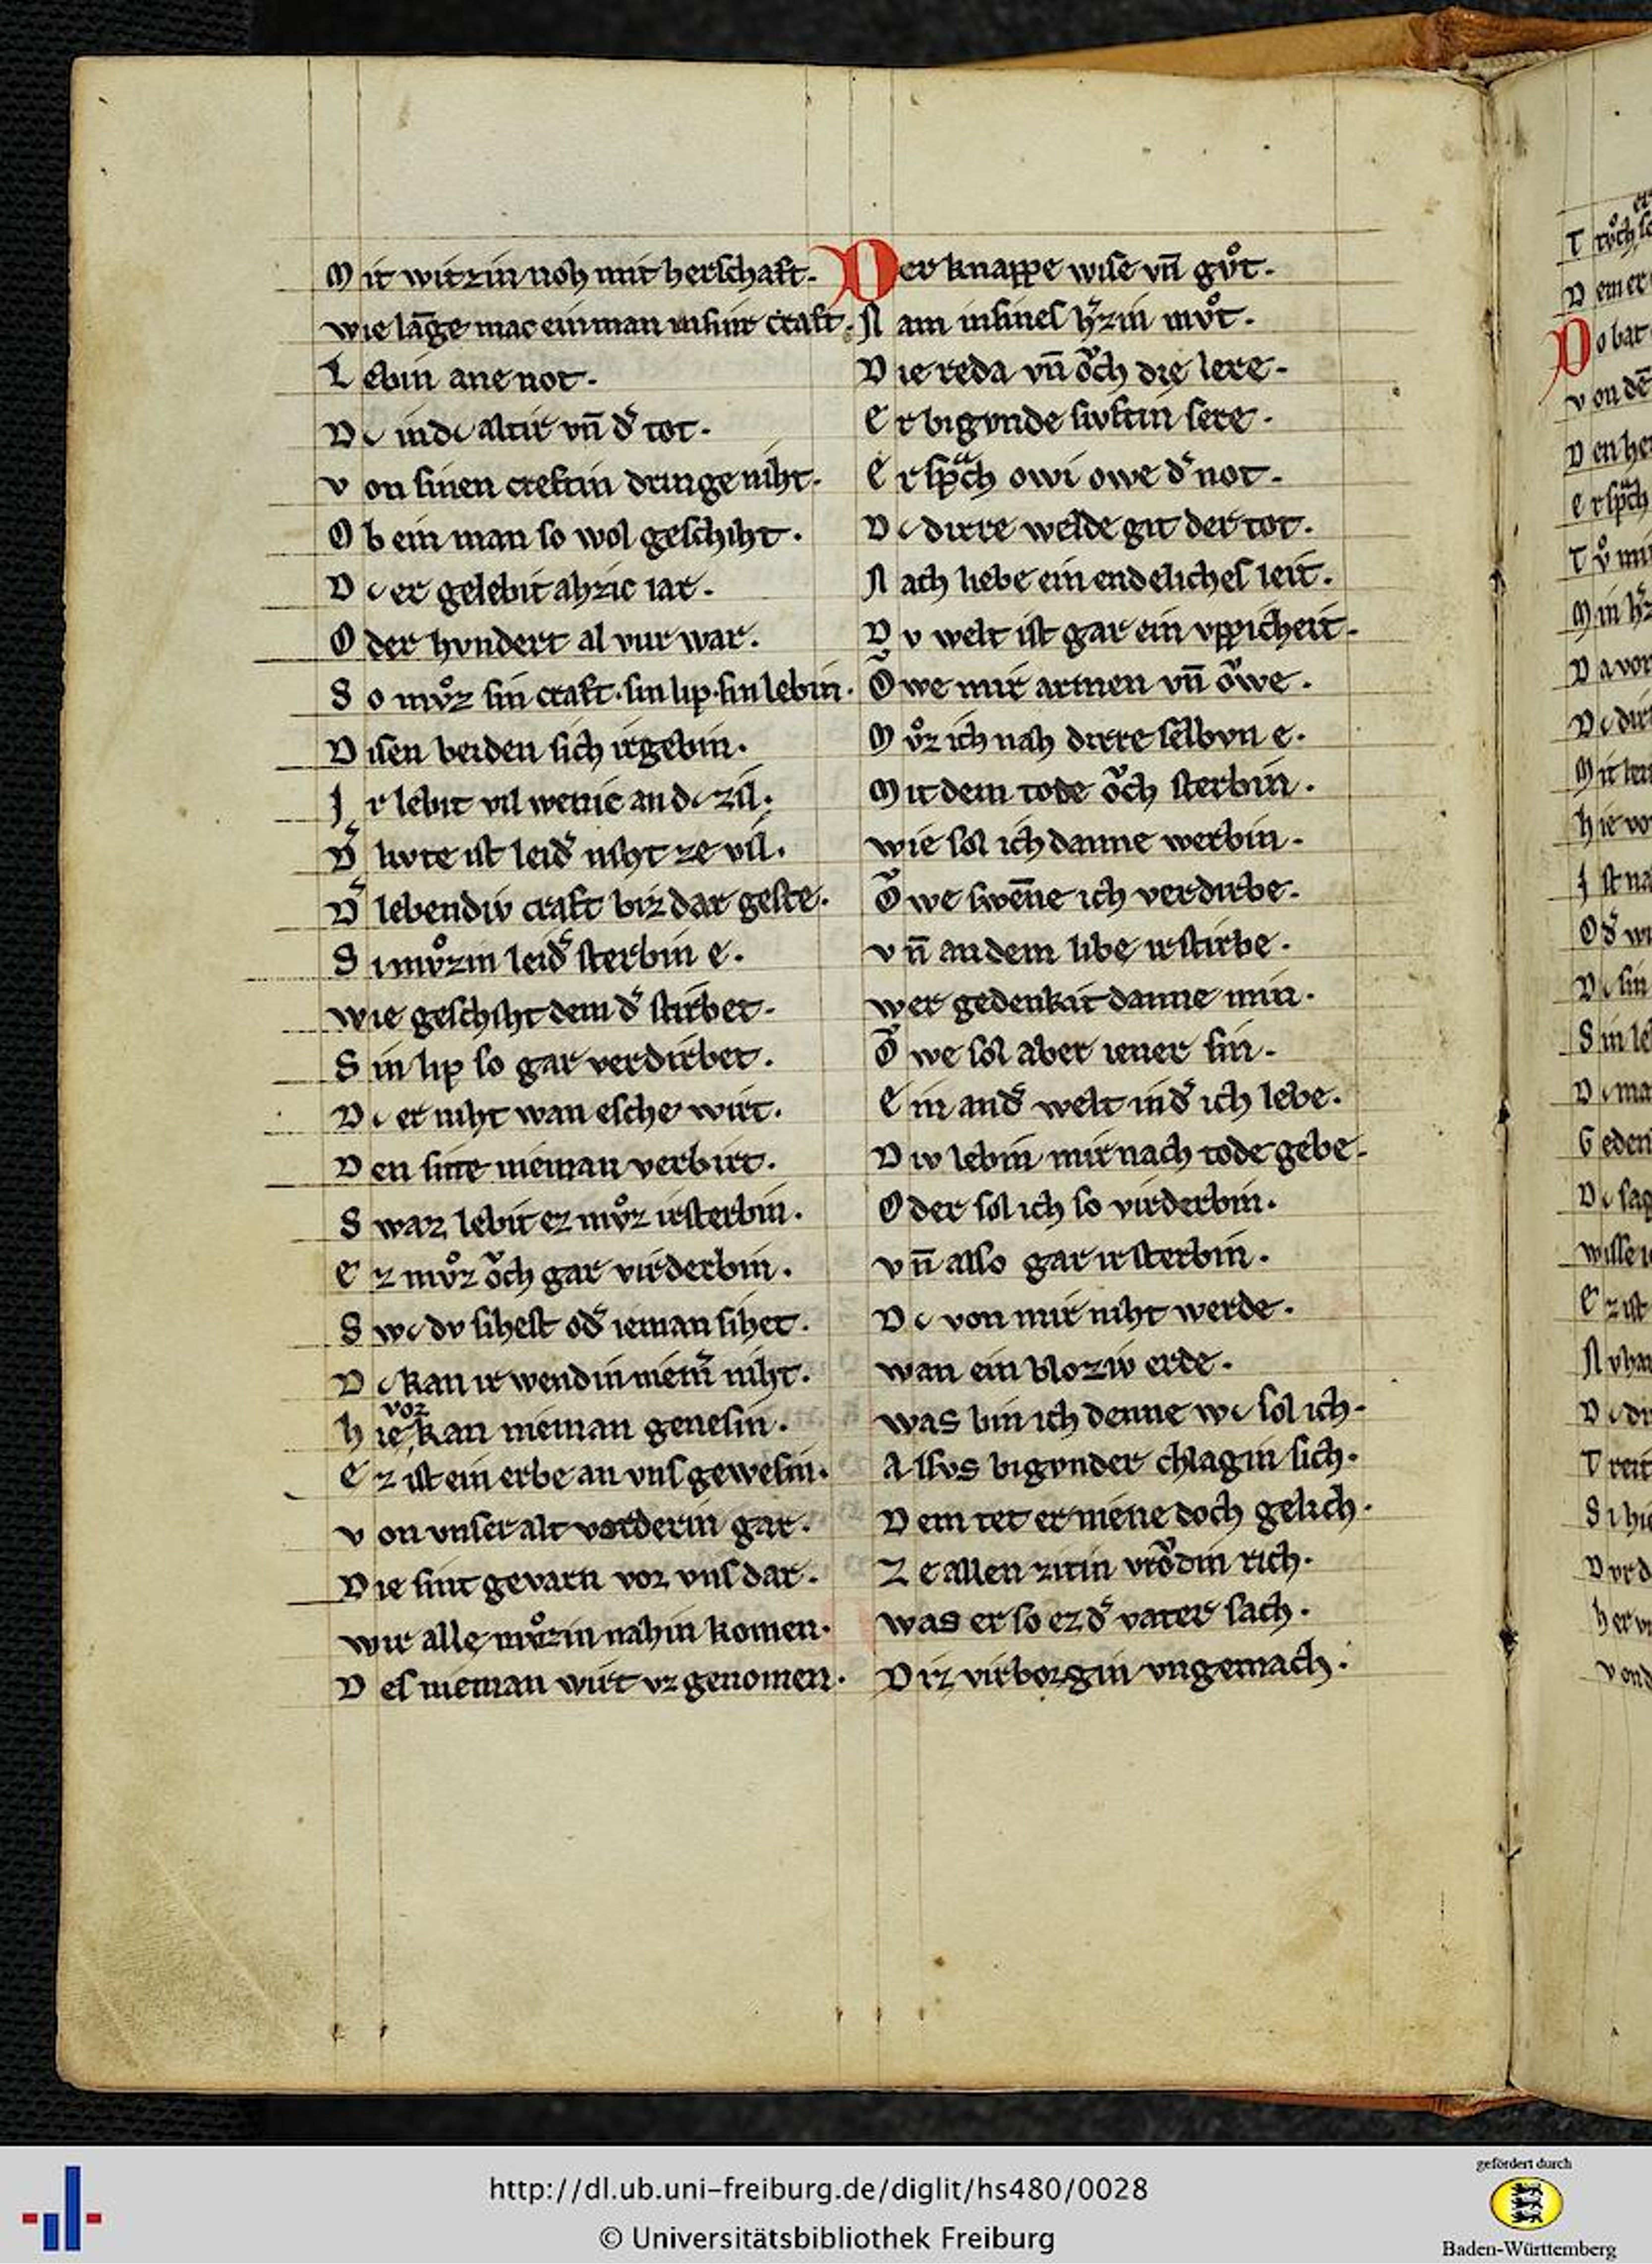Mit witzin noh mit herſchaft.
Wie la(n)ge mac ein man inſinr craft.
Lebin ane not.
D(az) ind(az) altir vn(d) d(er) tot.
Von ſinen creftin dringe niht.
Ob ein man ſo wol geſchiht.
D(az) er gelebit ahzic iar.
Oder hundert al vur war.
So mv°oz ſin craft. ſin lip. ſin lebin.
Diſen beiden ſich irgebin.
Ir lebit vil wenic an d(az) zil.
D(er) livte iſt leid(er) niht ze vil.
D(er) lebendiv craft biz dar geſte.
Si mv°ozin leid(er) ſterbin e.
Wie geſchiht dem d(er) ſtirbet.
Sin lip ſo gar verdirbet.
D(az) er niht wan eſche wirt.
Den ſitte nieman verbirt.
Swaz lebit ez mv°oz irſterbin.
Ez mv°oz o°vch gar virderbin.
Sw(az) dv ſiheſt od(er) ieman ſihet.
D(az) kan ir wendin niem(er) niht.
Hie °(vor) kan nieman geneſin.
Ez iſt ein erbe an vnſ geweſin.
Von vnſer alt vorderin gar.
Die ſint gevarn vor vnſ dar.
Wir alle mv°ozin nahin komen.
Deſ nieman wirt vz genomen.
*Der knappe wiſe vn(d) gv°ot.
Nam inſineſ h(er)zin mv°ot.
Die reda vn(d) o°vch die lere.
Er bigvnde ſivftin ſere.
Er ſp(ra)ch owi owe d(er) not.
D(az) dirre welde git der tot.
Nach liebe ein endelicheſ leit.
Dv welt iVt gar ein vppicheit.
O°vwe mir armen vn(d) o°vwe.
Mv°oz ich nah dirre ſelbvn e.
Mit dem tode o°vch ſterbin.
Wie ſol ich danne werbin.
O°vwe ſwe(n)ne ich verdirbe.
Vn(d) an dem libe irſtirbe.
Wer gedenkit danne min.
O°vwe ſol aber iener ſin.
Ein and(er) welt in d(er) ich lebe.
Div lebin mir nach tode gebe.
Oder ſol ich ſo virderbin.
Vn(d) alſo gar ir ſterbin.
D(az) von mir niht werde.
Wan ein bloziv erde.
Was bin ich denne w(az) ſol ich.
Alſvs bigvnder chlagin ſich.
Dem tet er niene doch gelich.
Ze allen zitin vro°din rich.
Was er ſo ez d(er) vater ſach.
Diz virborgin vngemach.